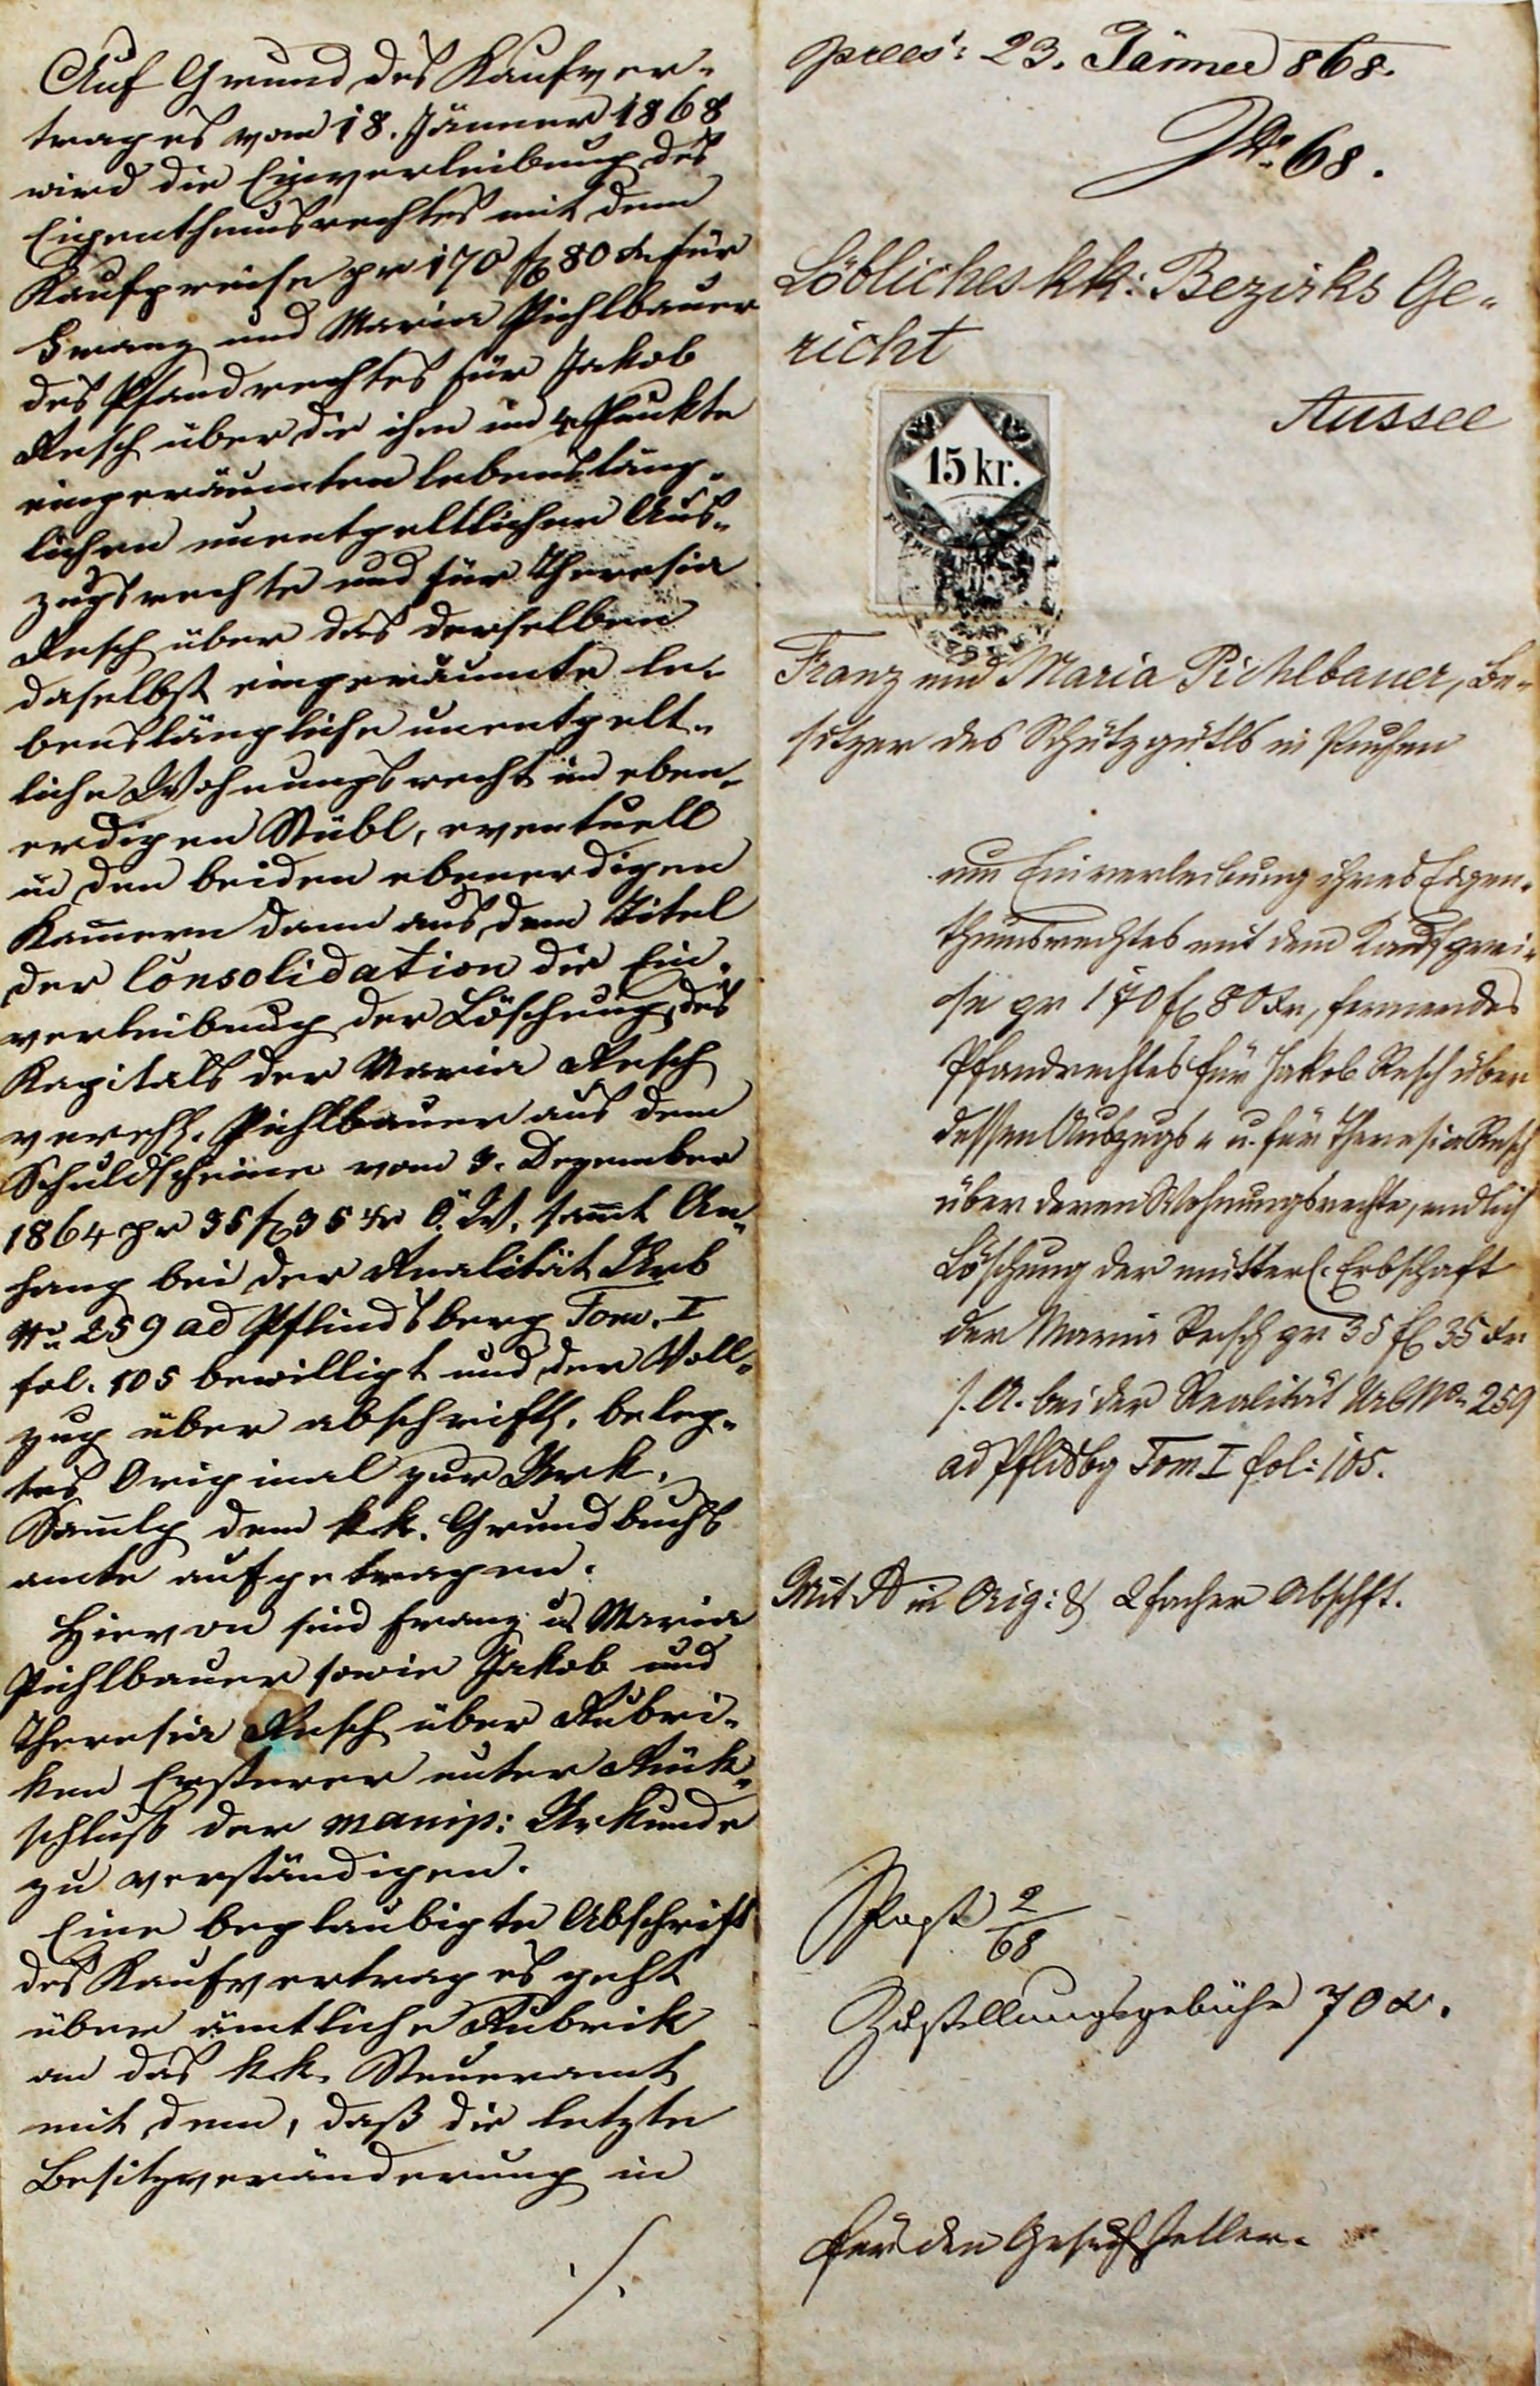Auf Grund des Kaufver„
trages vom 18. Jänner 1868
wird die Einverleibung des
Eigenthumsrechtes mit dem
Kaufprüche pr 170 fl 80 defür
Swanz und Maria Pichlbauer
des Pfandrechtes für Jakob
Resch über die ihm im 4 Paukte
eingeräumten lebensläng„
lichen unentgeltlichen Aus„
zugsrechte und für Theresia
Desch über des derselben
daselbst eingeräumte le„
benslängliche unent„
geltliche Wohnungsrecht in eben„
erdigen Stübl, eventuell
in den beiden ebenerdigen
Kammern dann aus dem Titel
der Consolidation die Ein„
verleibung der Löschung des
Kapitals der Maria Resch
verehh. Pichlbauer aus dem
Schuldscheine vom 3. Dezember
1864 pr 35 f. 354 Ö.W. sammt An„
hang bei der Realität Urb
No 259 ad Pflindsberg Tom. I
fol. 105 bewilligt und der Voll„
zug über abschriftl. beleg„
tes Original zur Urk.
Sammtg dem kk. Grundbuchs
amte aufgetragen.
Hievon sind Franz u. Maria
Pichlbauer sowie Jakob und
Theresia Resch über Rubri„
ken Ersterer unter Rück„
schluss der manip: Urkunde
zu verständigen.
Eine Beglaubigte Abschrift
des Kaufvertrages geht
über ämtliche Rubrik
am das k.k. Steueramt
mit dem, daß die letzte
Besitzveränderung in
Präs: 23. Jänner 868
ddo 68.
Löbliches kk: Bezirks Ge=
richt
Aussee
Franz und Maria Pichlbauer, Be=
sitzer des Schutzgutls in Puchen
um Einverleibung ihres Eigen„
tumsrechtes mit dem Kaufprei„
che pr 170 f. 80 kr, Fernandes
Pfandrechtes für Jakob Resch über
dessen Auszugs 4 u. für Theresia Resch
über deren Wohnungsrechte, endlich
Löschung der mütterl. Erbschaft
der Maria Resch pr 35 fl 35 kr
s.A. bei der Realität Urb No 259
ad Pflddbg Tom I fol. 105.
Gut A in Orig: & 2 fachen Abschft.
Past 2/68
Zustellungsgebühr 702.
für den Gesuch Geller